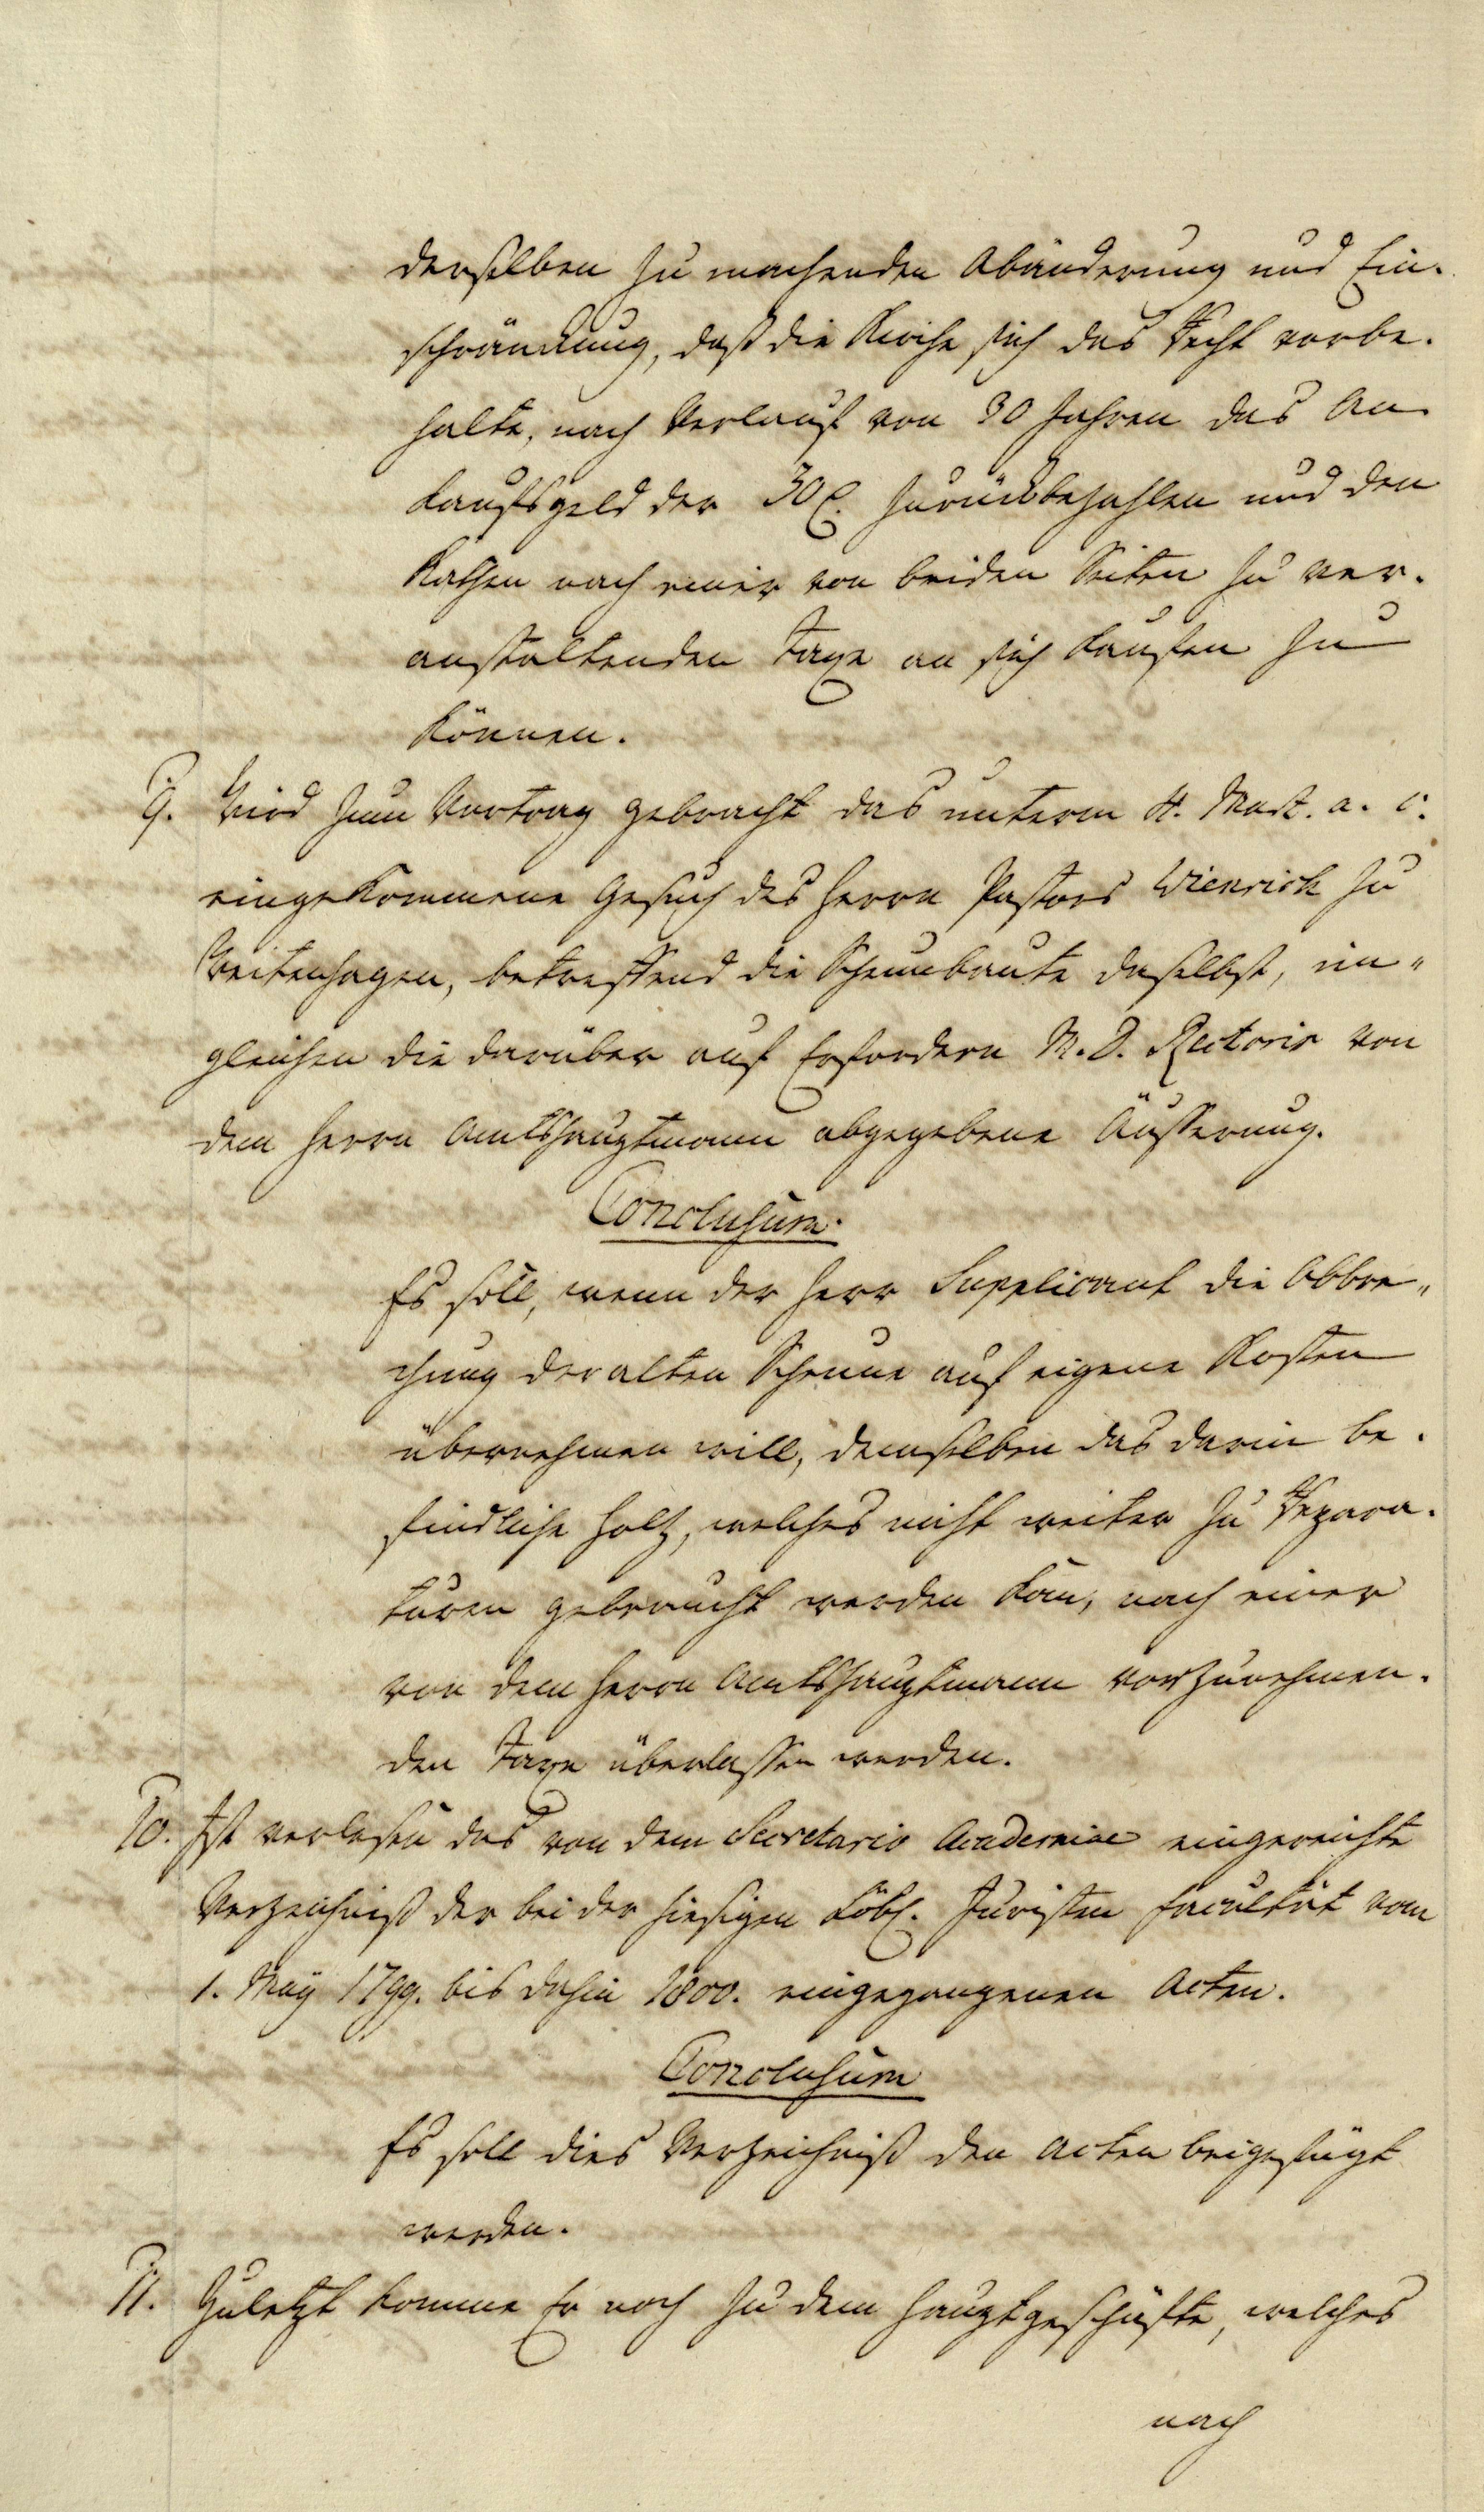derselben zu machenden Abänderung und Ein¬
schränckung, daß die Kirche sich des Recht vorbe¬
halte, nach Verlauf von 30 Jahren das An¬
kaufsgeld der 30 l. zurückbezahlen und den
Kathen nach einer von beiden Seiten zu ver¬
anstaltenden Taxe an sich kaufen zu
können.
9. Wird zum Vortrag gebracht das unterm 4. Mart a. c.
eingekommene Gesuch des Herrn Pastors Wienrich zu
Weitenhagen, betreffend die Scheunbaute daselbst, im¬
gleichen die darüber auf Erfordern M. D. Rectoris von
dem Herrn Amtshauptmann abgegebene Äusserung.
Conclusum.
Es soll, wenn der Herr Supplicant die Abbre¬
chung der alten Scheune auf eigene Kosten
übernehmen will, demselben das darin be¬
findliche Holz, welches nicht weiter zu Repara¬
turen gebraucht werden kan, nach einer
von dem Herrn Amtshauptmann vorzunehmen¬
den Taxe überlassen werden.
10. Ist verlesen das von dem Secretario Academiae eingereichte
Verzeichniß der bei der hiesigen Löbl. Juristen Facultät vom
1. Maÿ. 1799. bis dahin 1800. eingegangenen Acten.
Conclusum
Es soll dies Verzeichniß den Acten beigefügt
werden.
11. Zuletzt komme Er noch zu dem Hauptgeschäfte, welches
nach